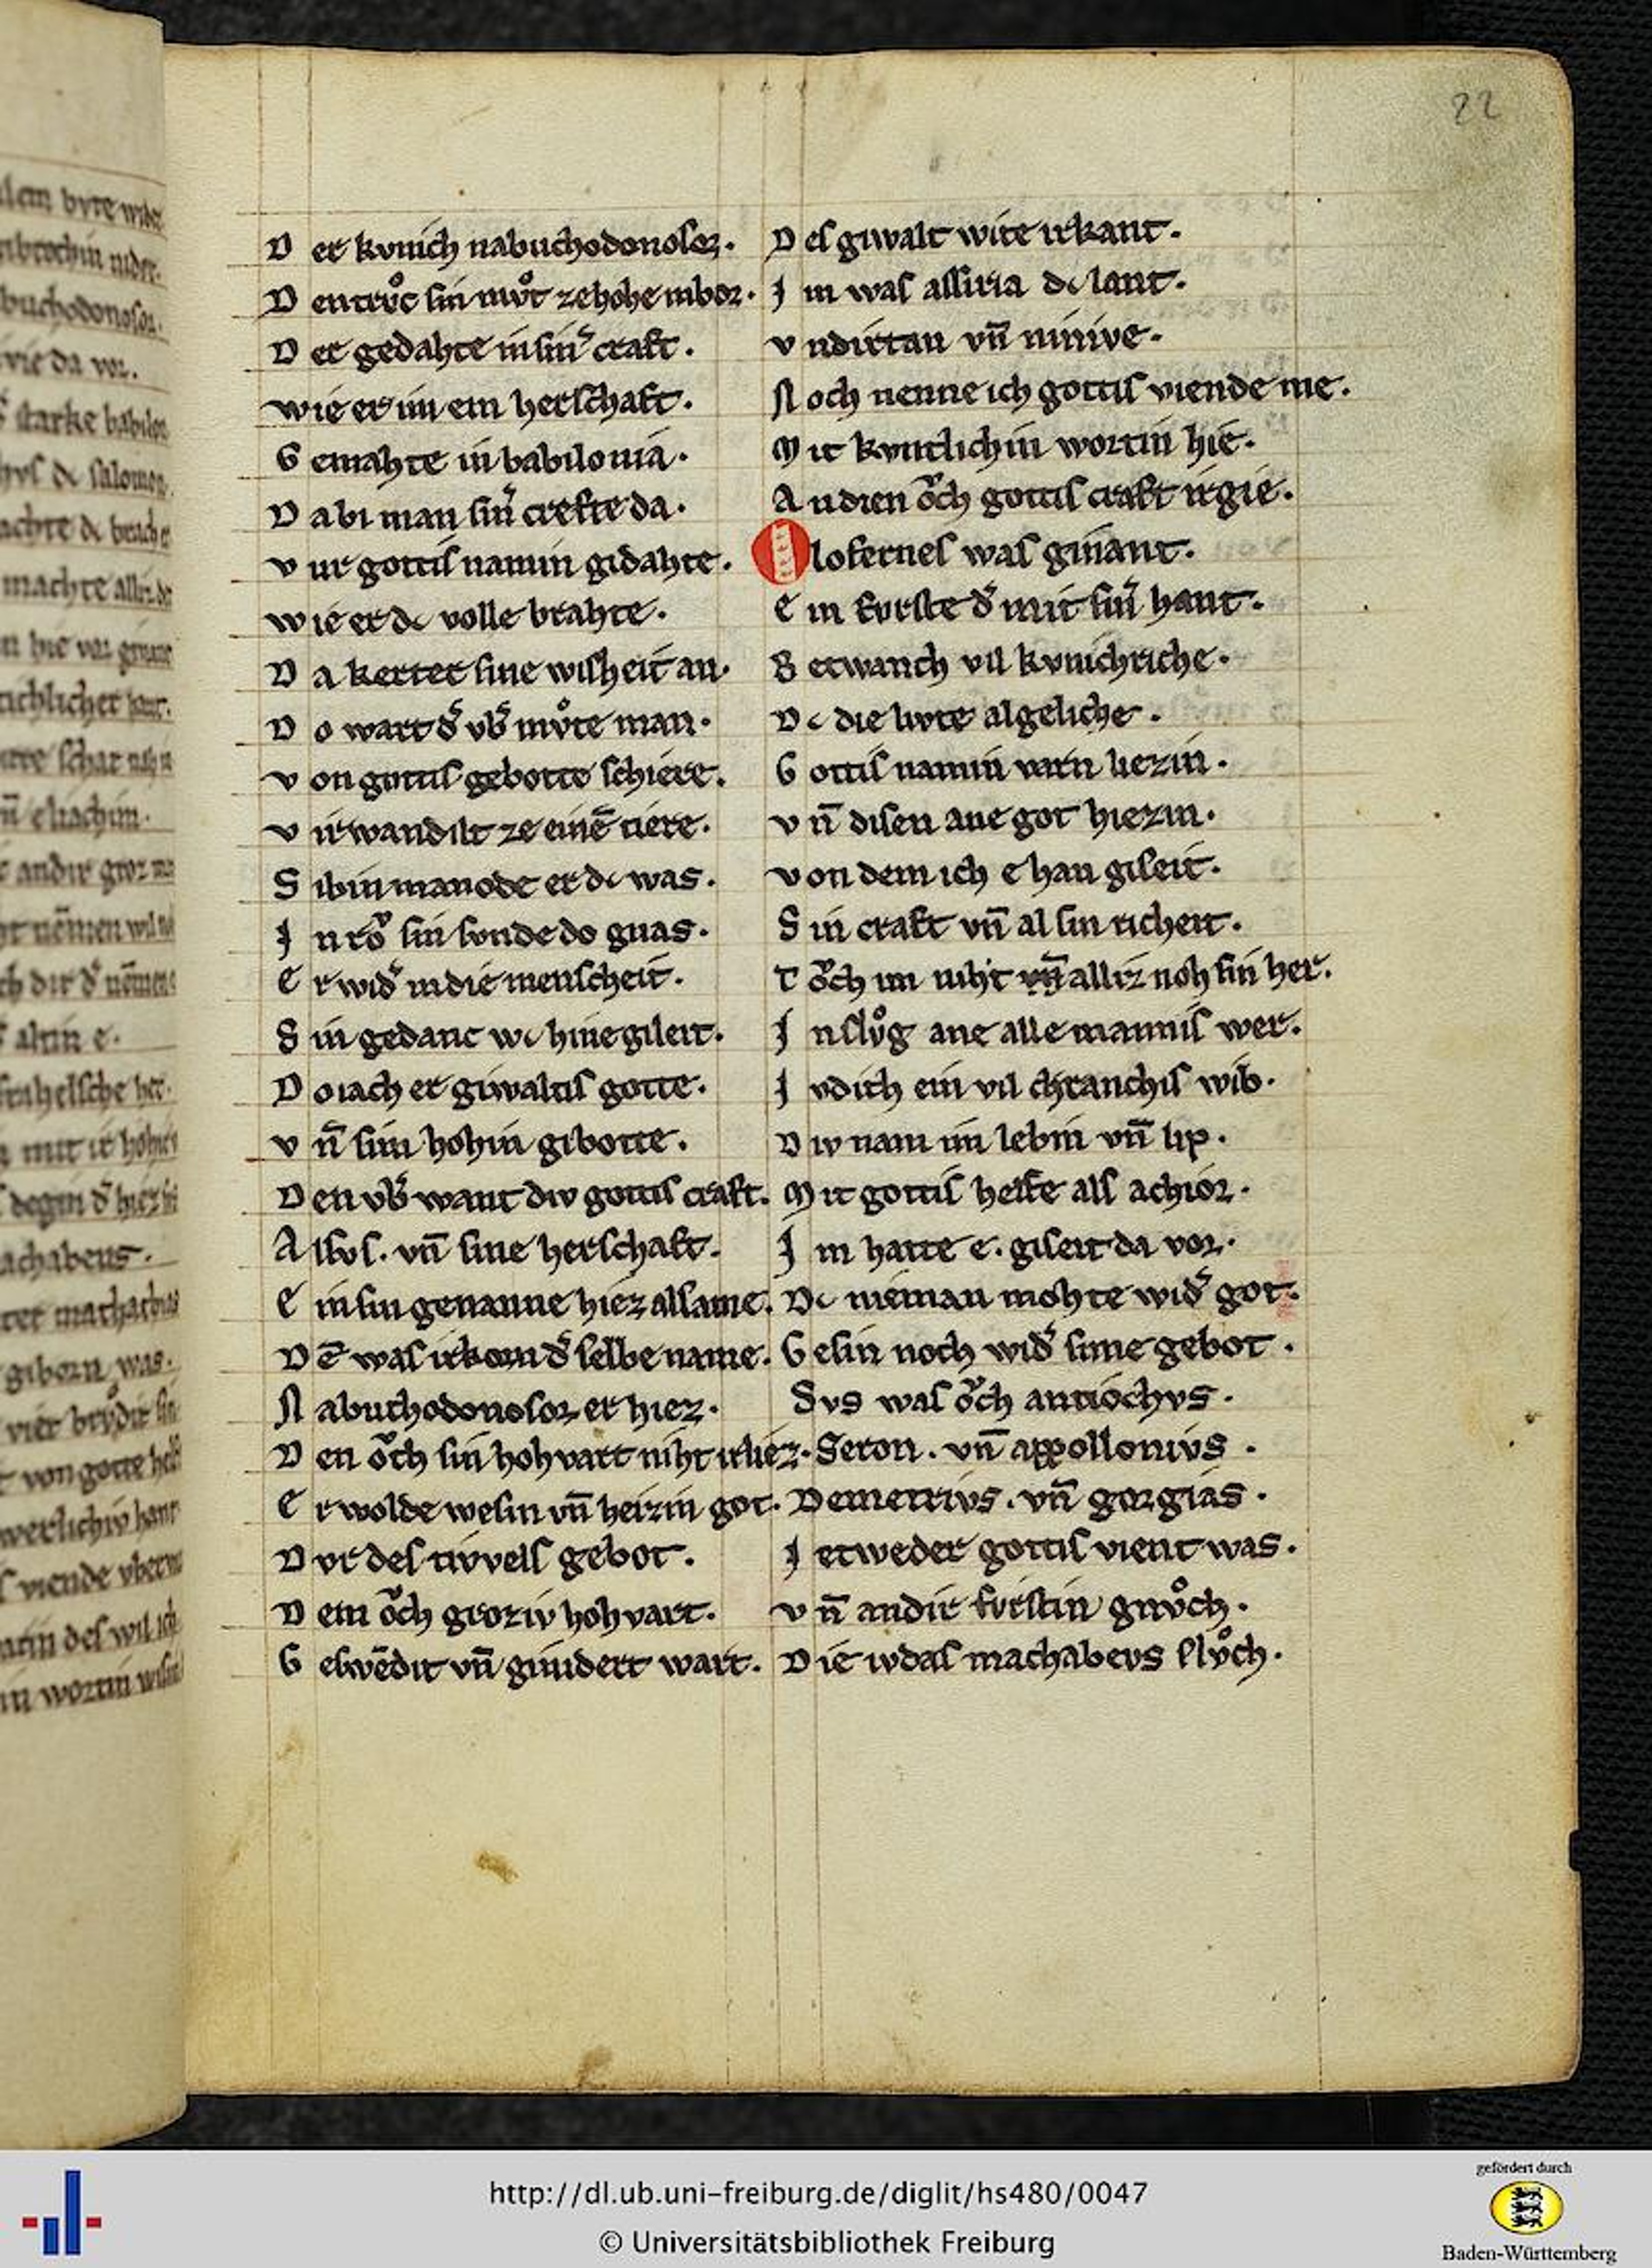Der kvnich nabuchodonoſor.
Dentrv°oc ſin mv°ot zehohe inbor.
Der gedahte in ſin(er) craft.
Wie er im ein herſchaft.
Gemahte in babilonia.
Dabi man ſin(er) crefte da.
Vur gottiſ namin gidahte.
Wie er d(az) volle brahte.
Da kerter ſine wiſheit an.
Do wart d(er) vb(er) mv°ote man.
Von gottiſ gebotte ſchiere.
Virwandilt ze eine(m) tiere.
Sibin manode er d(az) was.
In ro°v ſin ſvnde do gnas.
Er wid(er) indie menſcheit.
Sin gedanc w(az) hine gileit.
Do iach er giwaltiſ gotte.
Vn(d) ſim hohin gibotte.
Den vb(er) want div gottiſ craft.
Alſvſ. vn(d) ſine herſchaft.
Ein ſin genanne hiez alſame.
De(m) waſ irkorn d(er) ſelbe name.
Nabuchodonoſor er hiez.
Den o°vch ſin hohvart niht irliez.
Er wolde weſin vn(d) heizin got.
Dvr deſ tivvelſ gebot.
Dem o°vch groziv hohvart.
Geſwe(n)dit vn(d) genidert wart.
Deſ giwalt wite irkant.
Im waſ aſſiria d(az) lant.
Vndirtan vn(d) ninive.
Noch nenne ich gottiſ viende me.
Mit kvntlichin wortin hie.
An dien o°vch gottiſ craft irgie.
*Oloferneſ waſ ginant.
Ein fvrſte d(er) mit ſin(er) hant.
Betwanch vil kvnichriche.
D(az) die livte algeliche.
Gottiſ namin varn liezin.
Vn(d) diven ane got hiezin.
Von dem ich e han giſeit.
Sin craft vn(d) al ſin richeit.
To°vch im niht vn(d) alliz noh ſin her.
In ſlv°og ane alle manniſ wer.
Ivdith ein vil chranchiſ wib.
Div nam im lebin vn(d) lip.
Mit gottiſ helfe alſ achior.
Im hatte e. giſeit da vor.
D(az) nieman mohte wid(er) got.
Geſin noch wid(er) ſime gebot.
Svs waſ o°vch antiochvs.
Seron. vn(d) appollonivs.
Demetrivs. vn(d) gorgias.
Ietweder gottis vient was.
Vn(d) andir fvrſtin gnv°och.
Die ivdaſ machabeus ſlv°och.